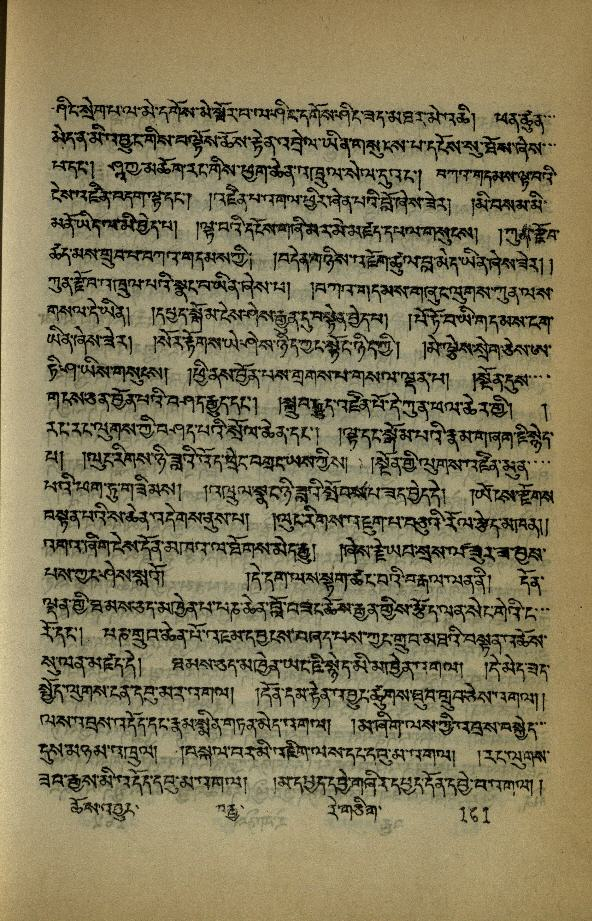ཤིང་སྲེག་པ་ལ་མེ་དགོས་མེ་སྦོར་བ་ལ་ཤིང་དགོས་ཤིང་ཟད་མཐར་མེ་འཆི། ཕན་ཚུན་
མེད་ན་མི་འབྱུང་གིས་བལྟོས་ཆོས་རྟེན་འབྲེལ་ཡིན་གསུངས་པ་དངོས་སུ་ཐོས་ཞེས་
པ་དང་། ཤཱཀྱ་མཆོག་རང་གིས་ཕྱག་ཆེན་འཁྲུལ་སེལ་དུའང་། བཀའ་གདམས་ལྟ་བའི་
ངེས་འཛིན་བདག་ལྟ་དང་། །འཛིན་པ་འགལ་ཕྱིར་ཞེན་པའི་བློ་ཞེས་ཟེར། །མི་བསམ་མི་
མནོ་ཡིད་ལ་མི་བྱེད་པ། །ལྟ་བའི་དངོས་གཞི་མར་མེ་མཛད་དཔལ་གསུངས། །ཀུན་རྫོབ་
ཚད་མས་གྲུབ་བ་བཀའ་གདམས་ཀྱི། །བདེན་གཉིས་འཇོག་ཚུལ་བླ་མེད་ཡིན་ཞེས་ཟེར། །
ཀུན་རྫོབ་འཁྲུལ་པའི་སྣང་བ་ཡིན་ཞེས་པ། །བཀའ་གདམས་གཞུང་ལུགས་ཀུན་ལས་
གསལ་དེ་ཡིན། །དཔྱད་སྒོམ་ངེས་ཤེས་རྒྱུན་དུ་བསྟེན་བྱེད་པ། །པོ་ཏོ་བ་ཡི་གདམས་ངག་
ཡིན་ཞེས་ཟེར། །སོར་རྟོགས་ཡེ་ཤེས་ཉིད་ཀྱང་སྟོང་ཉིད་ཀྱི། །མེ་ལྕེས་སྲེག་ཅེས་ཨ་
ཏི་ཤ་ཡིས་གསུངས། །ཕྱི་ནས་བྱོན་པས་གྲགས་པ་གསལ་ལྡན་པ། །སྔོན་དུས་
གངས་ཅན་བྱོན་པའི་བཤད་རྒྱུད་དང་། །སྒྲུབ་རྒྱུད་འཛིན་པོ་དེ་ཀུན་ཕལ་ཆེར་གྱི། །
རང་རང་ལུགས་ཀྱི་བཤད་པའི་སྲོལ་ཆེན་དང་། །ལྟ་དང་སྒོམ་པའི་རྣམ་གཞག་ཇི་སྙེད་
པ། །ལུང་རིགས་ཉི་ཟླའི་འོད་ཕྲེང་བགྲང་ཡས་ཀྱིས། །སྔོན་གྱི་ལུགས་འཛིན་མུན་
པའི་ཕག་ཏུ་གཟིམས། །འཁྲུལ་སྣང་ཉི་ཟླའི་སྤོབས་པ་ཟད་བྱེད་དེ། །ཡོངས་རྫོགས་
བསྟན་པའི་ས་ཆེན་འདེགས་ནུས་པ། །ལུང་རིགས་འཇུག་པ་བཅུའི་རོལ་རྩེད་མཁན། །
འགའ་ཞིག་ངེས་དོན་མཁའ་ལ་ཐོགས་མེད་རྒྱུ། །ཞེས་རྗེ་ཡབ་སྲས་ལ་ཟུར་ཟ་བྱས་
པས་ཀྱང་ཤེས་སླའོ། །དེ་དག་ལས་སྟག་ཚང་བའི་བརྒལ་ལན་ནི། དོན་
ལྡན་གྱི་ཐམས་ཅད་མཁྱེན་པ་པཎ་ཆེན་བློ་བཟང་ཆོས་རྒྱན་གྱིས་རྩོད་ལན་སེང་གེའི་ང་
རོ་དང་། པཎ་གྲུབ་ཆེན་པོ་འཇམ་དབྱངས་བཞད་པས་ཀྱང་གྲུབ་མཐའི་བསྟན་འཆོས་
སུ་ལན་མཛད་དེ། ཐམས་ཅད་མཁྱེན་ཡང་ཇི་སྙེད་མི་མཁྱེན་འགལ། །དེ་མེད་ཟད་
སྤྱོད་ལུགས་ངན་དབུ་མར་འགལ། །དོན་དམ་རྟེན་འབྱུང་ཚུགས་ཐུབ་གྲུབ་ཅེས་འགལ། །
ལས་འབྲས་འདོད་དང་རྣམ་སྨིན་གཏན་མེད་འགལ། །མ་ཞིག་ལས་ཀྱི་འབྲས་བསྐྱེད་
དུས་མཉམ་འཁྲུལ། །བསྐལ་བར་མི་འཇིག་ལས་དང་དབུ་མ་འགལ། །རང་ལུགས་
ཟབ་རྒྱས་མི་འདོད་དབུ་མ་འགལ། །མ་དཔྱད་དབྱེ་གཞིར་དཔྱད་དོན་དབྱེ་བ་འགལ།།